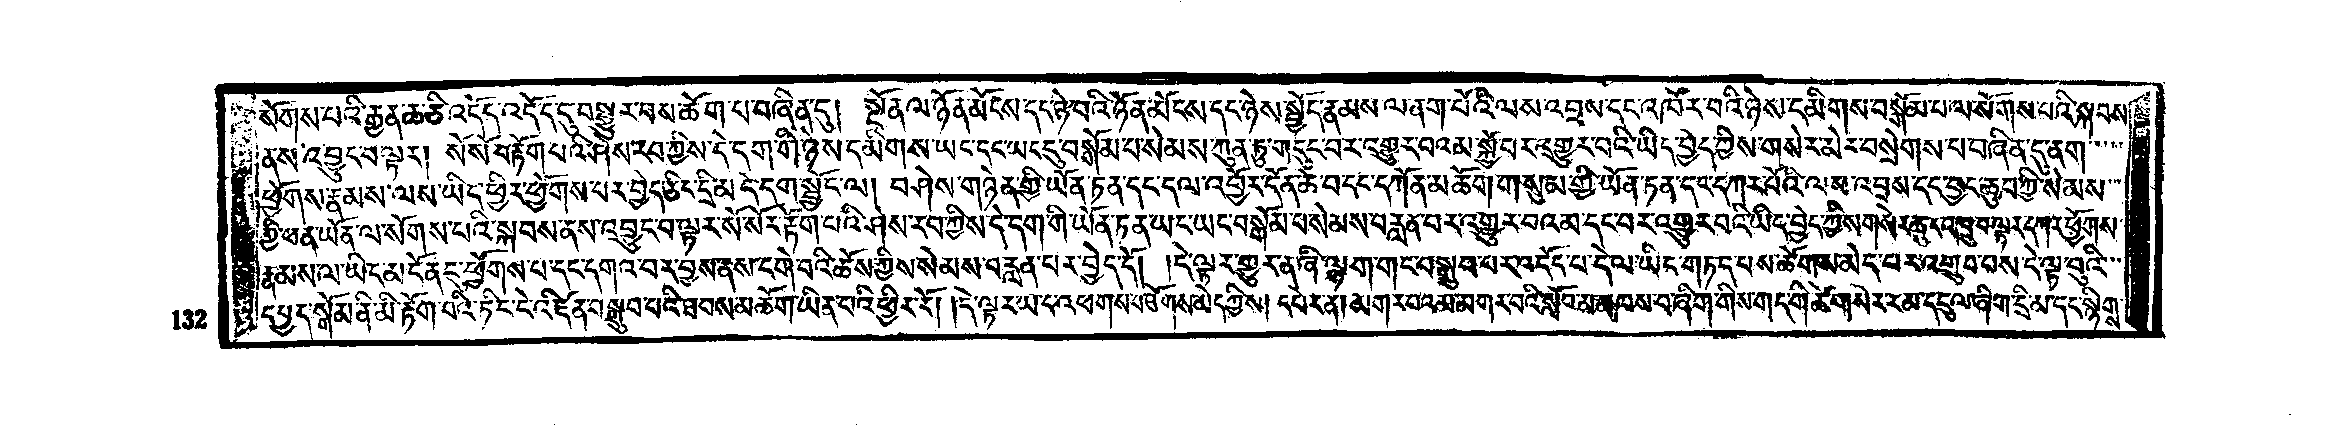སོགས་པའི་རྒྱན་ཆ་ཅི་འདོད་དུ་བསྒྱུར་པས་ཆོག་པ་བཞིན་དུ། སྔོན་ལ་ཉོན་མོངས་དང་ཉེ་བའི་ཉོན་མོངས་དང་ཉེས་སྤྱོད་རྣམས་ལ་ནག་པོའི་ལས་འབྲས་དང་འཁོར་བའི་ཉེས་དམིགས་བསྒོམ་པ་ལ་སོགས་པའི་སྐབས་
ནས་འབྱུང་བ་ལྟར། སོ་སོར་རྟོག་པའི་ཤེས་རབ་ཀྱིས་དེ་དག་གི་ཉེས་དམིགས་ཡང་དང་ཡང་དུ་བསྒོམ་པ་སེམས་ཀུན་ཏུ་གདུང་བར་འགྱུར་བའམ་སྐྱོ་བར་འགྱུར་བའི་ཡིད་བྱེད་ཀྱིས་གསེར་མེར་བསྲེགས་པ་བཞིན་དུ་ནག་
ཕྱོགས་རྣམས་ལས་ཡིད་ཕྱིར་ཕྱོགས་པར་བྱེད་ཅིང་དྲི་མ་དེ་དག་སྦྱོང་ལ། བཤེས་གཉེན་གྱི་ཡོན་ཏན་དང་དལ་འབྱོར་དོན་ཆེ་བ་དང་དཀོན་མཆོག་གསུམ་གྱི་ཡོན་ཏན་དང་དཀར་པོའི་ལས་འབྲས་དང་བྱང་ཆུབ་ཀྱི་སེམས་
ཀྱི་ཕན་ཡོན་ལ་སོགས་པའི་སྐབས་ནས་འབྱུང་བ་ལྟར་སོ་སོར་རྟོག་པའི་ཤེས་རབ་ཀྱིས་དེ་དག་གི་ཡོན་ཏན་ཡང་ཡང་བསྒོམ་པ་སེམས་བརླན་པར་འགྱུར་བའམ་དང་བར་འགྱུར་བའི་ཡིད་བྱེད་ཀྱིས་གསེར་ཆུར་འཁྲུ་བ་ལྟར་དཀར་ཕྱོགས་
རྣམས་ལ་ཡིད་མངོན་དུ་ཕྱོགས་པ་དང་དགའ་བར་བྱས་ནས་དགེ་བའི་ཆོས་ཀྱིས་སེམས་བརླན་པར་བྱེད་དོ། །དེ་ལྟར་གྱུར་ན་ཞི་ལྷག་གང་བསྒྲུབ་པར་འདོད་པ་དེ་ལ་ཡིད་གཏད་པས་ཚེགས་མེད་པར་འགྲུབ་པས་དེ་ལྟ་བུའི་
དཔྱད་སྒོམ་ནི་མི་རྟོག་པའི་ཏིང་ངེ་འཛིན་བསྒྲུབ་པའི་ཐབས་མཆོག་ཡིན་པའི་ཕྱིར་རོ། །དེ་ལྟར་ཡང་འཕགས་པ་ཐོགས་མེད་ཀྱིས། དཔེར་ན། མགར་བའམ་མགར་བའི་སློབ་མ་མཁས་པ་ཞིག་གིས་གང་གི་ཚེ་གསེར་རམ་དངུལ་ཞིག་དྲི་མ་དང་སྙིགས་